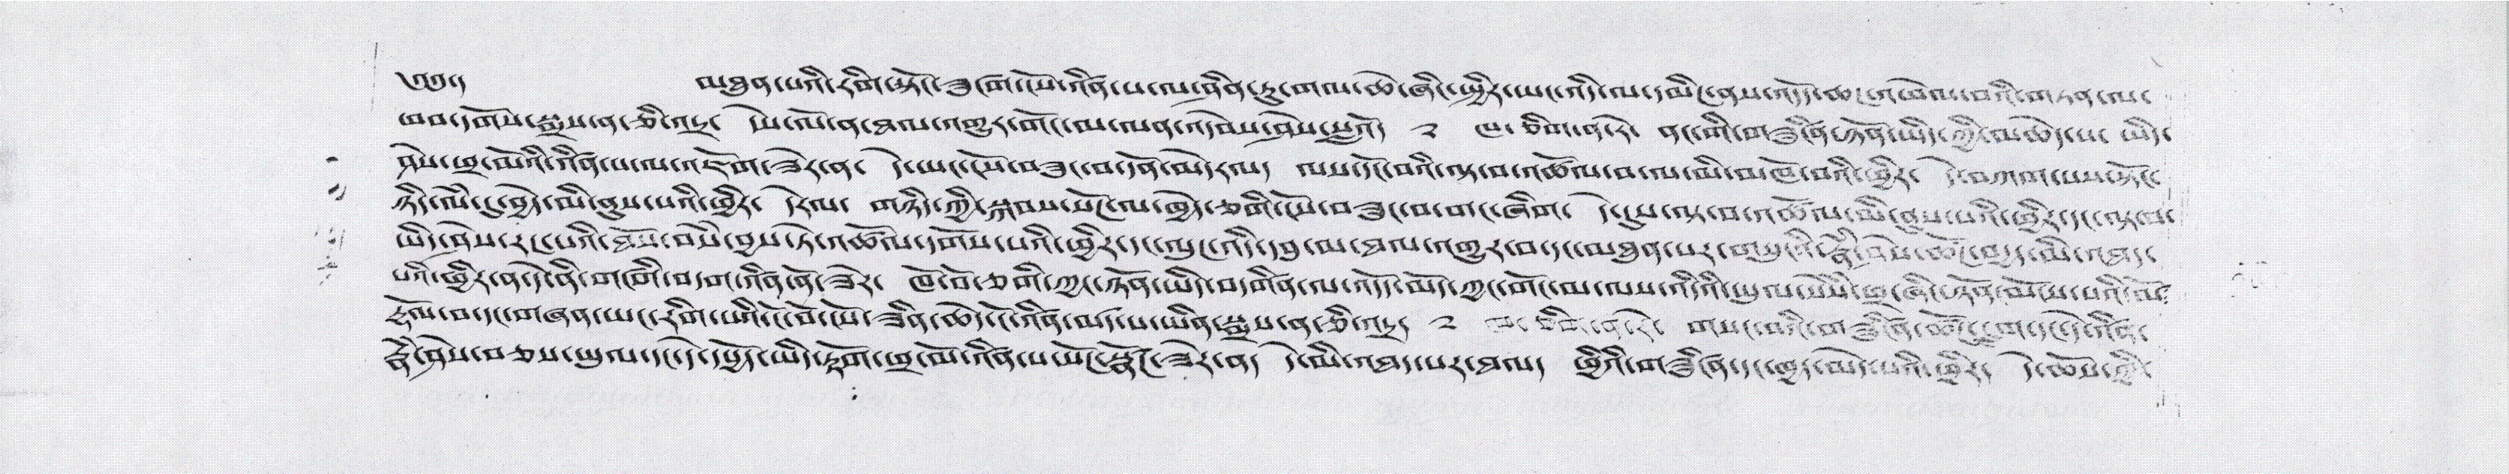མཐུན་པའི་རིག་སྟོང་ཟུང་འཇུག་ངོས་འཛིན་པ་ལ་ཤིན་ཏུ་གལ་ཆེ་ཞིང་སྤྱིར་ཡང་འདི་ལ་དམིགས་ནས་འདོད་ཆགས་འཕེལ་བའི་གཏན་ལ་
ཕབ་དགོས་སྨྲས་ན་ཅི་འདྲ། དེས་ལོ་ན་ཐལ་འགྱུར་གོང་ལ་ལན་འདེབས་ཤེས་སླའོ། ༧ ཁ་ཅིག་ན་རེ། ནང་གི་གཟུང་འཛིན་ཉོན་ཡིད་ཀྱི་མཆེད་པ། ཡིད་
ཤེས་ཕྲ་མོའི་འཛིན་པ་ལ་འཇོག་ཟེར་ན། དེ་ཡང་ངོས་བཟུང་བ་དོན་མེད་པར་ཐལ། ལས་དང་པོ་བའི་ལྟ་བ་འཚོལ་བ་ལ་མི་མཁོ་བའི་ཕྱིར། དེ་བཀག་པས་སྟོང་
ཉིད་ལམ་དུ་བྱེད་མི་ནུས་པའི་ཕྱིར། དེར་ཐལ། གཉིད་ཀྱི་སྐབས་སོགས་ལ་ཁྱེད་ཅག་གི་ངོས་བཟུང་བ་གང་ཞིག དེ་དུས་ལྟ་བ་འཚོལ་མི་ནུས་པའི་ཕྱིར་དང་ལྟ་བ་
ཡིད་ཤེས་རགས་པའི་ཐོས་བསམ་བྱས་ཏེ་འཚོལ་དགོས་པའི་ཕྱིར་དང་ལུགས་འདི་དབུ་མ་ཐལ་འགྱུར་བ་དང་མཐུན་པར་གསུངས་པའི་རྣམ་ཤེས་ཚོགས་བརྒྱད་མི་འཐད་
པའི་ཕྱིར་ན་དེ་ནི་གང་ཟག་གི་བདག་འཛིན་ནོ་ཟེར། ཁོ་བོ་ཅག་གིས་ཀྱང་ཉོན་ཡིད་བདག་འཛིན་ལ་འདོད་མོད་ཀྱང་གོང་མ་ལས་འདིའི་ཡུལ་སེམས་ཕྲ་ཞིང་ཉོན་མོངས་པའི་མཚོ་
རྡོལ་བ་དང་གཞན་ཡང་རིག་པའི་ངོ་བོ་ངོས་ཟིན་ཆེད་ངོས་འཛིན་མཛད་པ་ཡིན་སྨྲས་ན་ཅི་འདྲ། ༧ ཁ་ཅིག་ན་རེ། གསང་བའི་གཟུང་འཛིན་ཚོགས་དྲུག་དང་དེ་འཛིན་
རྣམ་ཤེས་བཅས་ཡུལ་དང་དེ་དཔྱོད་ཡིད་རྟོག་ཕྲ་མོ་འཛིན་པ་སོགས་སྣ་ཚོགས་ཟེར་ན། དེ་མི་འཐད་པར་ཐལ། ཕྱིའི་གཟུང་འཛིན་དང་ཁྱད་མེད་པའི་ཕྱིར། དེ་ཆོས་ཀྱི་